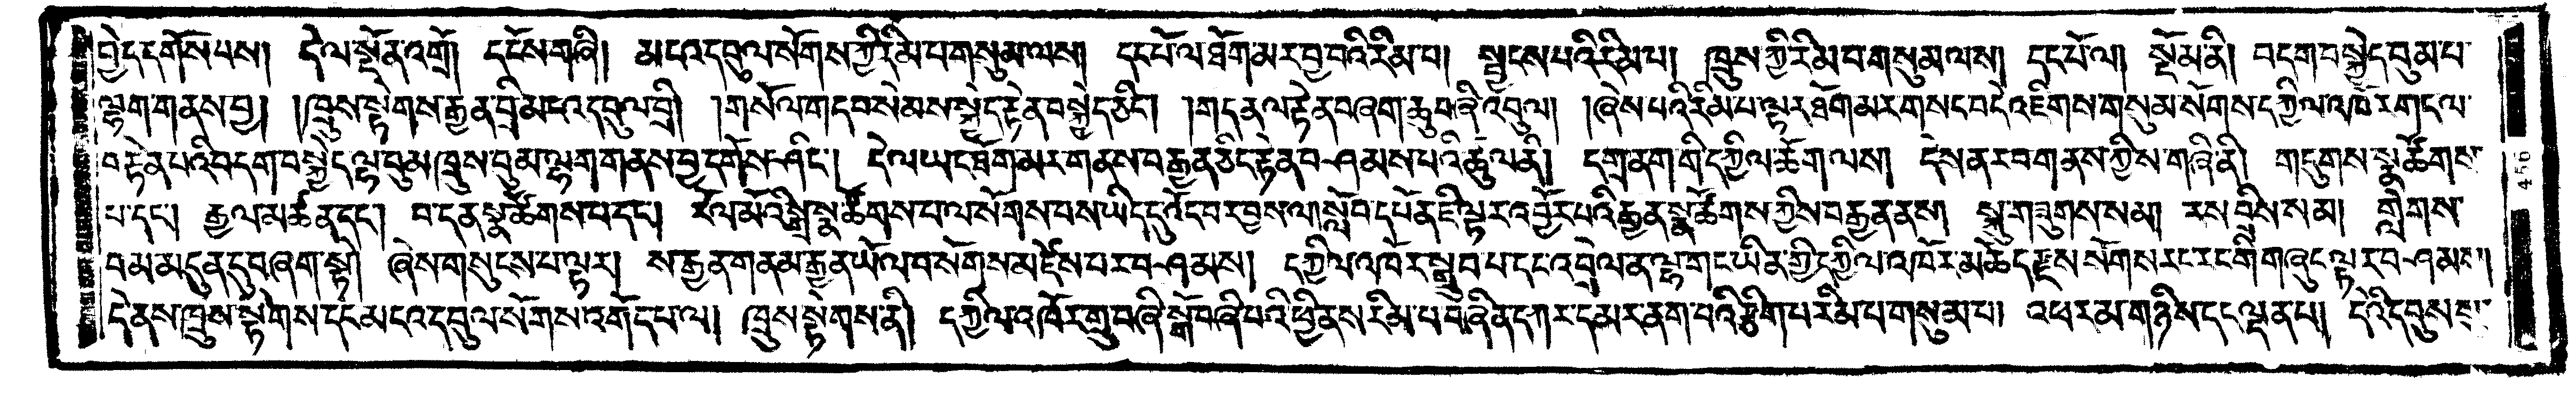བྱེད་དགོས་པས། དེ་ལ་སྔོན་འགྲོ། དངོས་གཞི། མངའ་དབུལ་སོགས་ཀྱི་རིམ་པ་གསུམ་ལས། དང་པོ་ལ་ཐོག་མར་བྱ་བའི་རིམ་པ། སྦྱངས་པའི་རིམ་པ། ཁྲུས་ཀྱི་རིམ་བ་གསུམ་ལས། དང་པོ་ལ། སྡོམ་ནི། བདག་བསྐྱེད་བུམ་པ་
ལྷག་གནས་བྱ། །ཁྲུས་སྟེགས་རྒྱན་བྲི་མངའ་དབུལ་བྲི། །གསོལ་གདབ་སེམས་སྐྱེད་རྟེན་བསྐྱེད་ཅིང་། །གདན་ལ་རྟེན་བཞག་ཆུ་བཞི་འབུལ། །ཞེས་པའི་རིམ་པ་ལྟར་ཐོག་མར་གསང་བདེ་འཇིགས་གསུམ་སོགས་དཀྱིལ་འཁོར་གང་ལ་
བརྟེན་པའི་བདག་བསྐྱེད་ལྟ་བུམ་ཁྲུས་བུམ་ལྷག་གནས་བྱ་དགོས་ཤིང་། དེ་ལ་ཡང་ཐོག་མར་གནས་བརྒྱན་ཅིང་རྟེན་བཤམས་པའི་ཚུལ་ནི། དགྲ་ནག་གི་དཀྱིལ་ཆོག་ལས། དེས་ན་རབ་གནས་ཀྱིས་གཞི་ནི། གདུགས་སྣ་ཚོགས་
པ་དང་། རྒྱལ་མཚན་དང་། བ་དན་སྣ་ཚོགས་བ་དང་། ངོལ་མོའི་སྒྲ་སྣ་ཚོགས་པ་ལ་སོགས་བས་ཡིད་དུ་འོང་བར་བྱས་ལ། སློབ་དཔོན་ཇི་ལྟར་འབྱོར་བའི་རྒྱན་སྣ་ཚོགས་ཀྱིས་བརྒྱན་ནས། སྐུ་གཟུགས་སམ། རས་བྲིས་སམ། གླེགས་
བམ་མདུན་དུ་བཞག་སྟེ། ཞེས་གསུངས་པ་ལྟར། ས་རྒྱན་གནམ་རྒྱན་ཡོལ་བ་སོགས་མཛེས་པར་བཤམས། དཀྱིལ་འཁོར་གྲུབ་པ་དང་འབྲེལ་ན་ལྷ་གང་ཡིན་གྱི་དཀྱིལ་འཁོར་མཆོད་རྫས་སོགས་རང་རང་གི་གཞུང་ལྟར་བཤམས།
དེ་ནས་ཁྲུས་སྟེགས་དང་མངའ་དབུལ་སོགས་འགོད་པ་ལ། ཁྲུས་སྟེགས་ནི། དཀྱིལ་འཁོར་གྲུ་བཞི་སྒོ་བཞི་པའི་ཕྱི་ནས་རིམ་པ་བཞིན་དཀར་དམར་ནག་བའི་རྩིག་པ་རིམ་པ་གསུམ་པ། འཕར་མ་གཉིས་དང་ལྡན་པ། དེའི་དབུས་སུ་